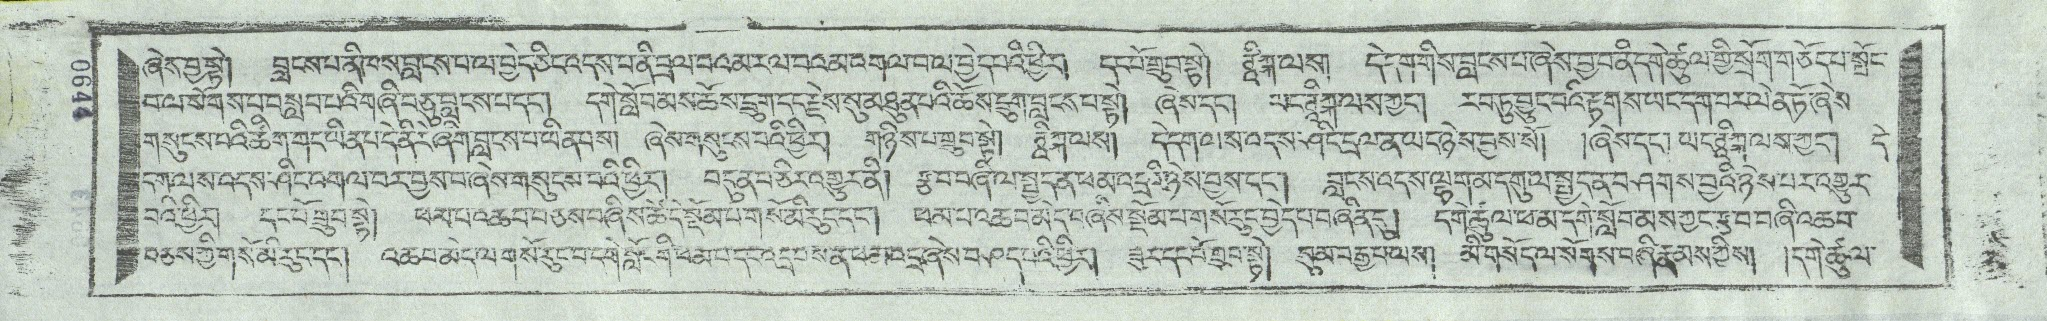ཞེས་བྱ་སྟེ། བླངས་པ་ནི་ཁས་བླངས་པ་ལ་བྱེད་ཅིང་འདས་པ་ནི་བྲལ་བའམ་རལ་བའམ་འགལ་བ་ལ་བྱེད་པའི་ཕྱིར། དང་པོ་གྲུབ་སྟེ། ཊཱིཀྐ་ལས། དེ་དག་གིས་བླངས་པ་ཞེས་བྱ་བ་ནི་དགེ་ཚུལ་གྱི་སྲོག་གཅོད་པ་སྤོང་
བ་ལ་སོགས་པ་བསླབ་པའི་གཞི་བཅུ་བླངས་པ་དང་། དགེ་སློབ་མས་ཆོས་དྲུག་དང་རྗེས་སུ་མཐུན་པའི་ཆོས་དྲུག་བླངས་པ་སྟེ། ཞེས་དང་། ལང་ཊཱིཀྐ་ལས་ཀྱང་། རབ་ཏུ་བྱུང་བའི་རྟགས་ཡང་དག་པར་ལེན་ཏོ་ཞེས་
གསུངས་པའི་ཚིག་གང་ཡིན་པ་དེ་ནི་རེ་ཞིག་བླངས་པ་ཡིན་པས། ཞེས་གསུངས་པའི་ཕྱིར། གཉིས་པ་གྲུབ་སྟེ། ཊཱིཀྐ་ལས། དེ་དག་ལས་འདས་ཤིང་དྲལ་ན་ཡང་ཉེས་བྱས་སོ། །ཞེས་དང་། ཡང་ཊཱིཀྐ་ལས་ཀྱང་། དེ་
དག་ལས་འདས་ཤིང་འགལ་བར་བྱས་པ་ཞེས་གསུངས་པའི་ཕྱིར། བདུན་པ་ཅིར་འགྱུར་ནི། རྩ་བ་བཞི་ལ་སྤྱད་ན་ཕམ་འདྲའི་ཉེས་བྱས་དང་། བླངས་འདས་ལྷག་མ་དགུ་ལ་སྤྱད་ན་བཤགས་བྱའི་ཉེས་པར་འགྱུར་
བའི་ཕྱིར། དང་པོ་གྲུབ་སྟེ། ཕམ་པ་འཆབ་བཅས་བཞིས་ཚེ་དེ་སྡོམ་པ་གསོ་མི་རུང་དང་། ཕམ་པ་འཆབ་མེད་བཞིས་སྡོམ་པ་གསོ་རུང་བྱེད་པ་བཞིན་དུ། དགེ་ཚུལ་ཕ་མ་དགེ་སློབ་མས་ཀྱང་རྩ་བ་བཞི་འཆབ་
བཅས་ཀྱི་གསོ་མི་རུང་དང་། འཆབ་མེད་ལ་གསོ་རུང་བ་དགེ་སློང་གི་ཕམ་པ་དང་འདྲ་བས་ན་ཕམ་འདྲ་ཞེས་བཤད་པའི་ཕྱིར། ཟུར་དང་པོ་གྲུབ་སྟེ། སུམ་བརྒྱ་པ་ལས། མི་གསོད་ལ་སོགས་བཞི་རྣམས་ཀྱིས། །དགེ་ཚུལ་